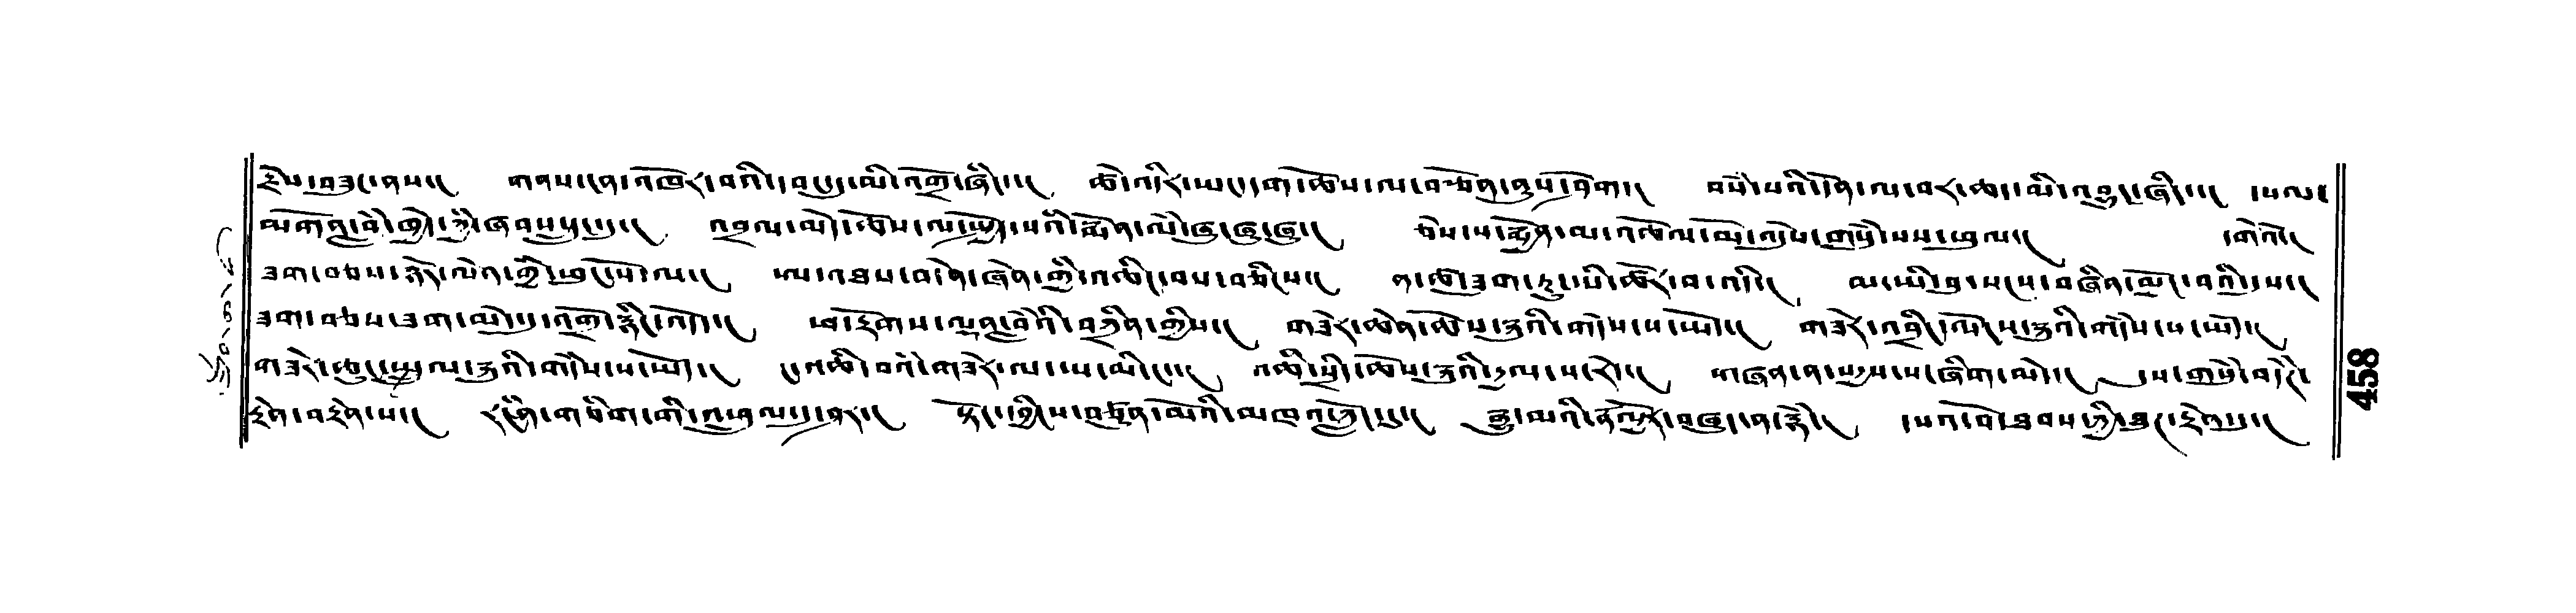རྗེས་བཟུང་ནས། །གནས་ངན་འཁོར་བའི་དབང་དུ་མི་འགྲོ་ཞིང་། །ཚེ་འདིར་ཡང་དག་ཆོས་ལ་བརྩོན་ནུས་ཤོག །བསམ་པའི་དོན་ལ་བར་ཆད་མི་འབྱུང་ཞིང་། །དཔལ་
མགོན་བླ་མ་ཁྱེད་ཀྱི་ཞབས་དྲུང་དུ། །འབྲལ་མེད་ཆོས་ལ་སྤྱོད་པའི་སྨོན་ལམ་ཞུ་ཞུ་ཞུ། ཅེས་པ་སྨྱོན་མ་འཆོལ་མོ་འདུ་ཤེས་གསུམ་པས་ཕུལ། དགེའོ།། 
ཟག་བཅས་ཉེར་ལེན་གྱི་ཕུང་པོ་ལ། །ཨ་འཐས་བདེན་ཞེན་གྱི་འཆིང་བས་བཅིངས། །ན་ཚ་ཟུག་དུ་ཡི་ཚོར་བ་འདི། །མ་ཡི་བུ་སངས་བཞིན་མྱོང་བའི་དུས། །
ཟག་བཅས་ཟག་མེད་དུ་འགྲོ་སྙིང་འདོད། །ཕ་རྟོགས་ལྡན་བླ་མའི་བཀའ་དྲིན་གྱིས། །གཟེར་ཆེན་ཆོས་སྐུའི་གདམས་པ་ཡོད། །གཟེར་འབྲིང་ལོངས་སྐུའི་གདམས་པ་ཡོད། །
གཟེར་ཆུང་སྤྲུལ་སྐུའི་གདམས་པ་ཡོད། །ང་འཆི་བའི་གཟེར་ལ་ཡ་མི་ང་། །འཆི་སྲིད་ཆོས་སྐུའི་རྒྱལ་ས་རེད། །གཞན་ན་སངས་རྒྱས་ས་ཞིག་མེད། །དུས་གསུམ་བདེ་གཤེགས་
རྟེན་བརྟེན་པ། །རང་བཞིན་གཅིག་གི་འཕྲུལ་དུ་ཤར། །སྟོང་དབྱིངས་བཙུན་མོའི་མཁའ་ཀློང་དུ། །སྒྱུ་མའི་རྣལ་འབྱོར་བཞུད་ན་སྙམ། །དཔའ་བོ་ཐབས་ཀྱི་ཐུགས་རྟེན་དུ།